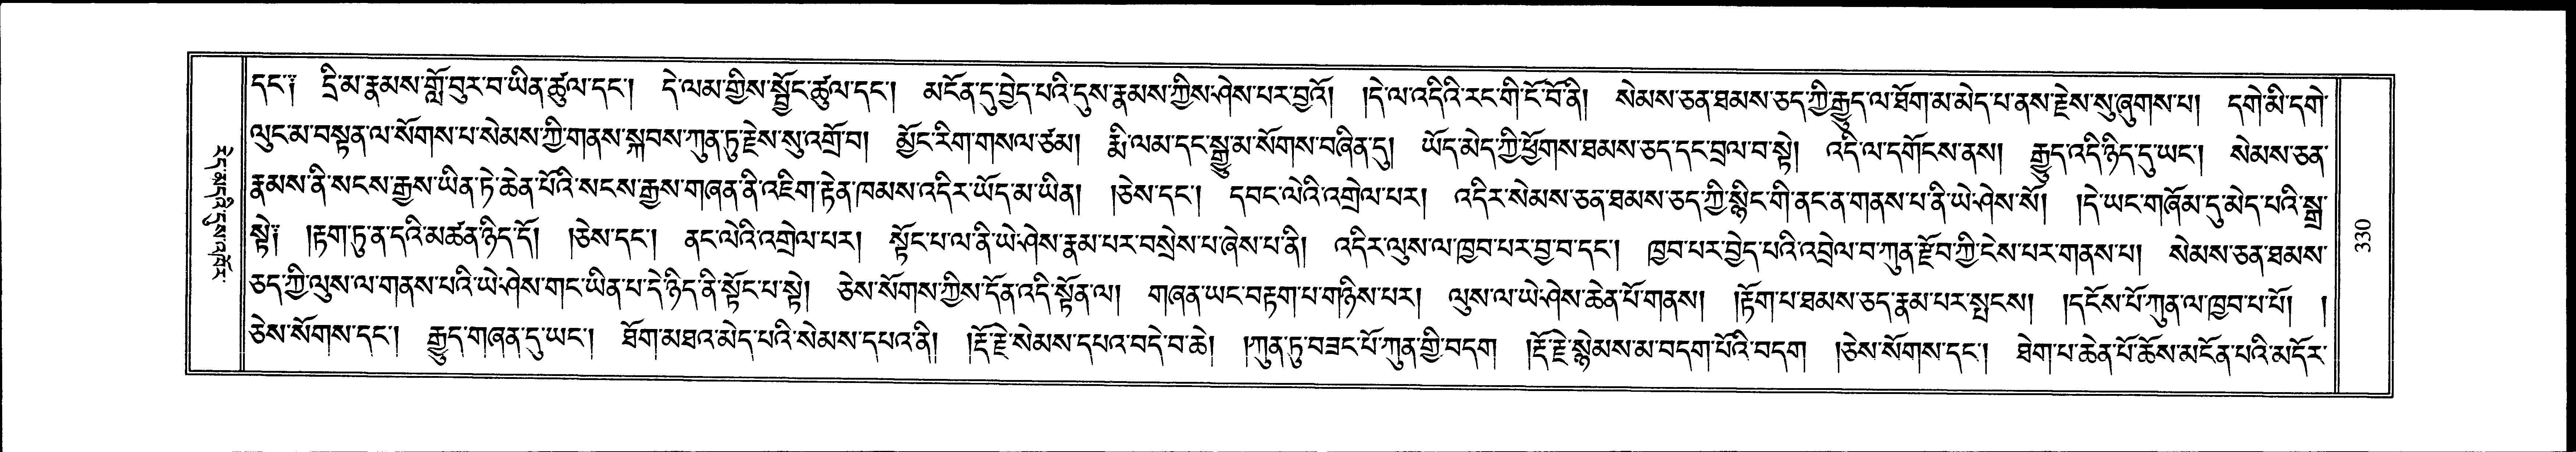དང་། དྲི་མ་རྣམས་གློ་བུར་བ་ཡིན་ཚུལ་དང་། དེ་ལམ་གྱིས་སྦྱོང་ཚུལ་དང་། མངོན་དུ་བྱེད་པའི་དུས་རྣམས་ཀྱིས་ཤེས་པར་བྱའོ། །དེ་ལ་འདིའི་རང་གི་ངོ་བོ་ནི། སེམས་ཅན་ཐམས་ཅད་ཀྱི་རྒྱུད་ལ་ཐོག་མ་མེད་པ་ནས་རྗེས་སུ་ཞུགས་པ། དགེ་མི་དགེ་
ལུང་མ་བསྟན་ལ་སོགས་པ་སེམས་ཀྱི་གནས་སྐབས་ཀུན་ཏུ་རྗེས་སུ་འགྲོ་བ། མྱོང་རིག་གསལ་ཙམ། རྨི་ལམ་དང་སྒྱུ་མ་སོགས་བཞིན་དུ། ཡོད་མེད་ཀྱི་ཕྱོགས་ཐམས་ཅད་དང་བྲལ་བ་སྟེ། འདི་ལ་དགོངས་ནས། རྒྱུད་འདི་ཉིད་དུ་ཡང་། སེམས་ཅན་
ལུང་མ་བསྟན་ལ་སོགས་པ་སེམས་ཀྱི་གནས་སྐབས་ཀུན་ཏུ་རྗེས་སུ་འགྲོ་བ། མྱོང་རིག་གསལ་ཙམ། རྨི་ལམ་དང་སྒྱུ་མ་སོགས་བཞིན་དུ། ཡོད་མེད་ཀྱི་ཕྱོགས་ཐམས་ཅད་དང་བྲལ་བ་སྟེ། འདི་ལ་དགོངས་ནས། རྒྱུད་འདི་ཉིད་དུ་ཡང་། སེམས་ཅན་
རྣམས་ནི་སངས་རྒྱས་ཡིན་ཏེ་ཆེན་པོའི་སངས་རྒྱས་གཞན་ནི་འཇིག་རྟེན་ཁམས་འདིར་ཡོད་མ་ཡིན། །ཅེས་དང་། དབང་ལེའི་འགྲེལ་པར། འདིར་སེམས་ཅན་ཐམས་ཅད་ཀྱི་སྙིང་གི་ནང་ན་གནས་པ་ནི་ཡེ་ཤེས་སོ། །དེ་ཡང་གཞོམ་དུ་མེད་པའི་སྒྲ་
སྟེ། །རྟག་ཏུ་ན་དའི་མཚན་ཉིད་དོ། །ཅེས་དང་། ནང་ལེའི་འགྲེལ་པར། སྟོང་པ་ལ་ནི་ཡེ་ཤེས་རྣམ་པར་བསྲེས་པ་ཞེས་པ་ནི། འདིར་ལུས་ལ་ཁྱབ་པར་བྱ་བ་དང་། ཁྱབ་པར་བྱེད་པའི་འབྲེལ་བ་ཀུན་རྫོབ་ཀྱི་ངེས་པར་གནས་པ། སེམས་ཅན་ཐམས་
ཅད་ཀྱི་ལུས་ལ་གནས་པའི་ཡེ་ཤེས་གང་ཡིན་པ་དེ་ཉིད་ནི་སྟོང་པ་སྟེ། ཅེས་སོགས་ཀྱིས་དོན་འདི་སྟོན་ལ། གཞན་ཡང་བརྟག་པ་གཉིས་པར། ལུས་ལ་ཡེ་ཤེས་ཆེན་པོ་གནས། །རྟོག་པ་ཐམས་ཅད་རྣམ་པར་སྤངས། །དངོས་པོ་ཀུན་ལ་ཁྱབ་པ་པོ། །
ཅེས་སོགས་དང་། རྒྱུད་གཞན་དུ་ཡང་། ཐོག་མཐའ་མེད་པའི་སེམས་དཔའ་ནི། །རྡོ་རྗེ་སེམས་དཔའ་བདེ་བ་ཆེ། །ཀུན་ཏུ་བཟང་པོ་ཀུན་གྱི་བདག །རྡོ་རྗེ་སྙེམས་མ་བདག་པོའི་བདག །ཅེས་སོགས་དང་། ཐེག་པ་ཆེན་པོ་ཆོས་མངོན་པའི་མདོར་